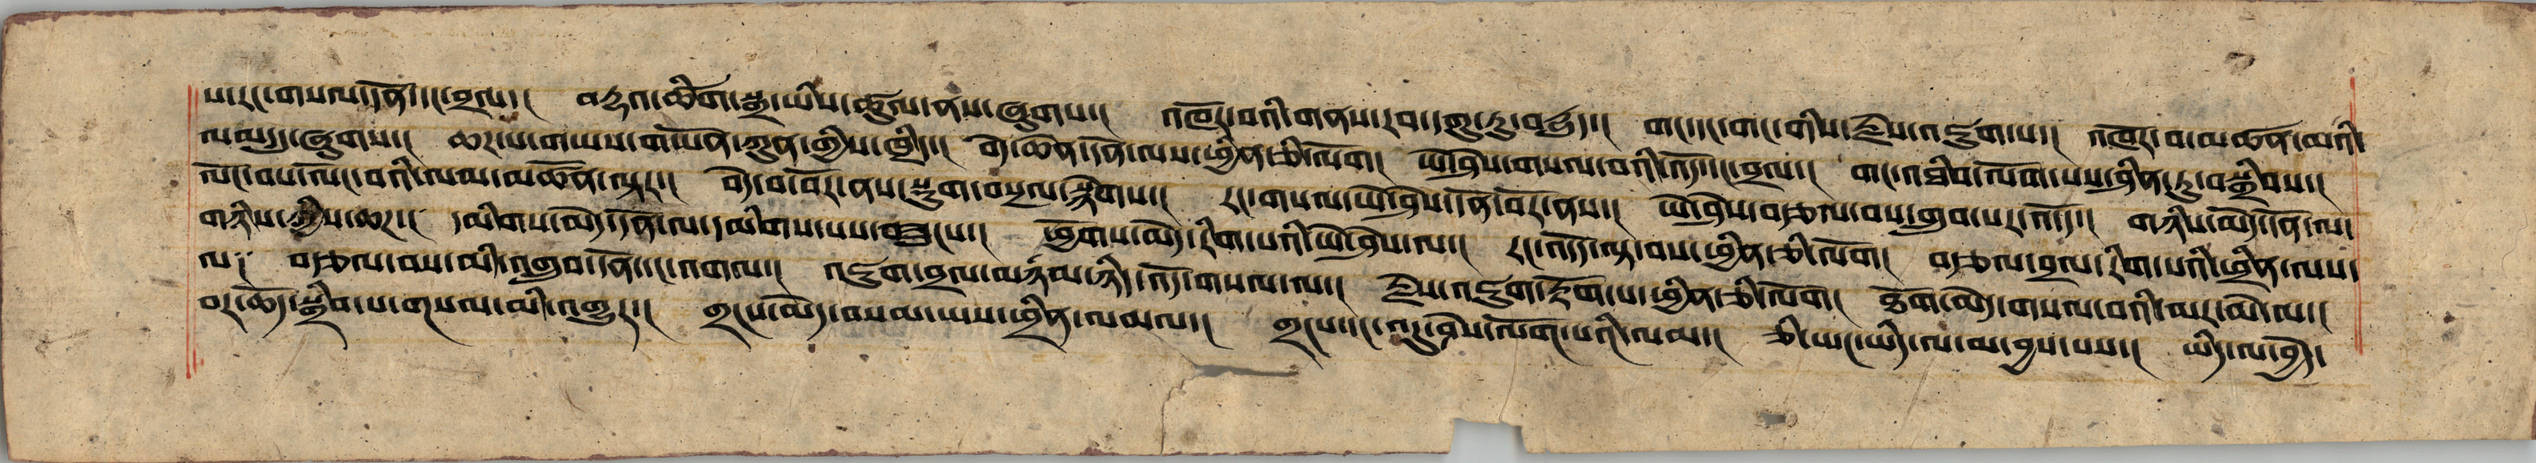ས་རང་གསལ་དོན་དང་བྲལ་། བརྡའ་ཚིག་སྒྲ་ཡིས་ཚུལ་ནས་ཞུགས་། འཁོར་བའི་གནས་རབ་དགུ་རུ་བདྱུད་། གང་དང་གང་གིས་རྗེས་འཇུག་པ་། འཁོར་བ་མཚན་མའི་
ལམ་དུ་ཞུགས་། ཆཌ་པ་གཡས་གཡོན་ཀུན་གྱིས་ཁྲིད་། བདེ་ཆེན་དོན་ལས་ཕྱིན་ཅི་ལོག། ཡེ་ཤེས་གསལ་བའི་འོད་དང་བྲལ་། གང་འཐིབ་ལོག་པས་ཤིན་ཏུ་བསྒྲིབས་།
ལོང་བས་ལོང་བའི་ལམ་མཚོན་ལྟར་། བདེ་བ་བོར་ནས་སྡུག་བསྔལ་སྙེགས་། རང་གསལ་ཡེ་ཤེས་དོན་བོར་ནས་། ཡེ་ཤེས་བརྩལ་བས་གྲུབ་པར་འདོད་། གཉིས་མེད་དོན་ལ་
གཉིས་ཀྱིས་ཆཌ་། དམིགས་མེད་དོན་ལ་དམིགས་པས་བཟུངས་། ཕྱོགས་མེད་རིག་པའི་ཡེ་ཤེས་ལ་། རང་འདོད་ལྟ་བས་ཕྱིན་ཅི་ལོག། བརྩལ་བྲལ་རིག་པའི་ཕྲིན་ལས་
ལ༑ བརྩལ་བས་མི་འགྲུབ་དོན་དང་འགལ་། འཇུག་བྲལ་མཉམ་ཉིད་འོད་གསལ་ལ་། རྗེས་འཇུག་རྟོགས་པ་ཕྱིན་ཅི་ལོག། ཐོག་མེད་གསལ་བའི་མར་མེ་ལ་།
བར་ཆོད་སྒྲིབ་པ་གསལ་མི་འགྱུར་། གྲངས་མེད་བསམ་ཡས་ཕྲིན་ལས་ལ་། གྲངས་དང་འདུ་ཤེས་ལོག་པའི་ལམ་། ཅི་ཡང་ཡིད་ལ་མ་བྱས་པས་། ཡིད་ལ་བྱེད་